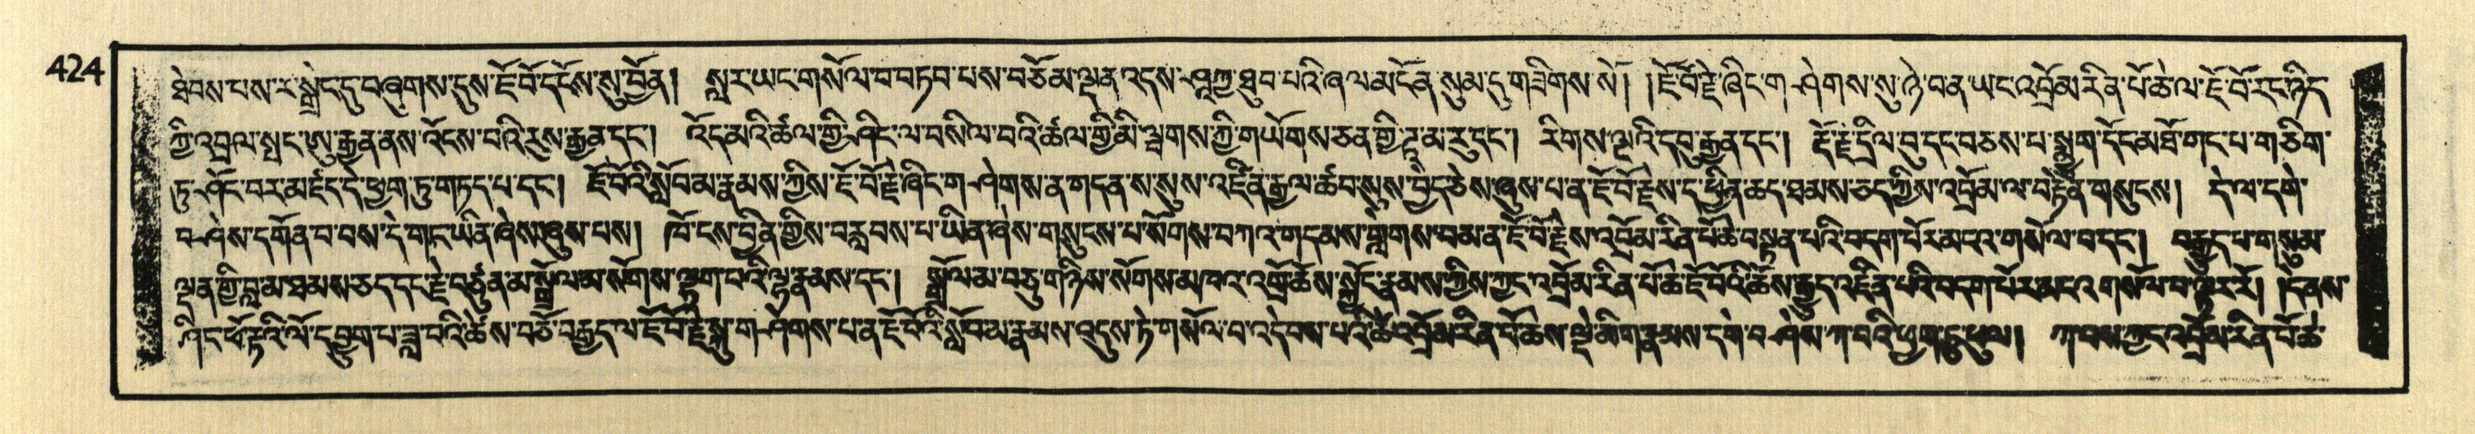ཐེབས་པས་ར་སྒྲེང་དུ་བཞུགས་དུས་ཇོ་བོ་དངོས་སུ་བྱོན། སླར་ཡང་གསོལ་བ་བཏབ་པས་བཅོམ་ལྡན་འདས་ཤཱཀྱ་ཐུབ་པའི་ཞལ་མངོན་སུམ་དུ་གཟིགས་སོ། །ཇོ་བོ་རྗེ་ཞིང་གཤེགས་སུ་ཉེ་བ་ན་ཡང་འབྲོམ་རིན་པོ་ཆེ་ལ་ཇོ་བོ་རང་ཉིད་
ཀྱི་འབྲལ་སྤང་ཨུ་རྒྱན་ནས་འོངས་པའི་རུས་རྒྱན་དང་། འོད་མའི་ཚལ་གྱི་ཤིང་ལ་བསིལ་བའི་ཚལ་གྱི་མི་ལྦགས་ཀྱི་གཡོགས་ཅན་གྱི་ཌཱ་མ་རུ་དང་། རིགས་ལྔའི་དབུ་རྒྱན་དང་། རྡོ་རྗེ་དྲིལ་བུ་དང་བཅས་པ་སྨྱུག་དོང་མཐོ་གང་པ་གཅིག་
ཏུ་ཤོང་བར་མཛད་དེ་ཕྱག་ཏུ་གཏད་པ་དང་། ཇོ་བོའི་སློབ་མ་རྣམས་ཀྱིས་ཇོ་བོ་རྗེ་ཞིང་གཤེགས་ན་གདན་ས་སུས་འཛིན་རྒྱལ་ཚབ་སུས་བྱེད་ཅེས་ཞུས་པ་ན་ཇོ་བོ་རྗེས་ད་ཕྱིན་ཆད་ཐམས་ཅད་ཀྱིས་འབྲོམ་ལ་བརྟེན་གསུངས། དེ་ལ་དགེ་
བཤེས་དགོན་བ་བས་དེ་གང་ཡིན་ཞེས་ཞུས་པས། ཁོ་ངས་བྱིན་གྱིས་བརླབས་པ་ཡིན་ཞེས་གསུངས་པ་སོགས་བཀའ་གདམས་གླེགས་བམ་ན་ཇོ་བོ་རྗེས་འབྲོམ་རིན་པོ་ཆེ་བསྟན་པའི་བདག་པོར་མངའ་གསོལ་བ་དང་། བརྒྱུད་པ་གསུམ་
ལྡན་གྱི་བླ་མ་ཐམས་ཅད་དང་རྗེ་བཙུན་མ་སྒྲོལ་མ་སོགས་ལྷག་པའི་ལྷ་རྣམས་དང་། སྒྲོལ་མ་བཅུ་གཉིས་སོགས་མཁའ་འགྲོ་ཆོས་སྐྱོང་རྣམས་ཀྱིས་ཀྱང་འབྲོམ་རིན་པོ་ཆེ་ཇོ་བོའི་ཆོས་རྒྱུད་འཛིན་པའི་བདག་པོར་མངའ་གསོལ་བ་ལྟར་རོ། །དེ་ནས་
ཤིང་ཕོ་རྟའི་ལོ་དབྱུག་པ་ཟླ་བའི་ཚེས་བཅོ་བརྒྱད་ལ་ཇོ་བོ་རྗེ་སྐུ་གཤེགས་པ་ན་ཇོ་བོའི་སློབ་མ་རྣམས་འདུས་ཏེ་གསོལ་བ་འདེབས་པའི་ཚེ་འབྲོམ་རིན་པོ་ཆེས་ལྡེ་མིག་རྣམས་དགེ་བཤེས་ཀ་བའི་ཕྱག་ཏུ་ཕུལ། ཀབས་ཀྱང་འབྲོམ་རིན་པོ་ཆེ་